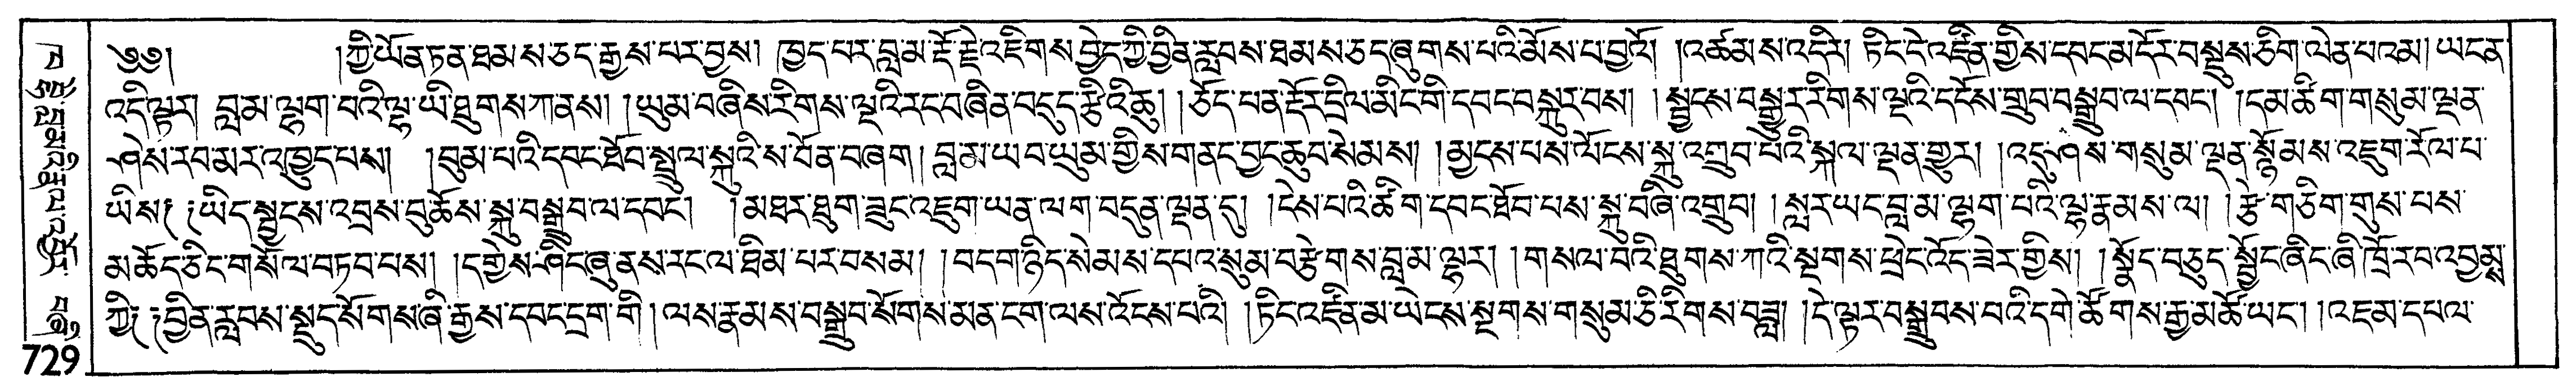༄༅། །ཀྱི་ཡོན་ཏན་ཐམས་ཅད་རྒྱས་པར་བྱས། ཁྱད་པར་བླ་མ་རྡོ་རྗེ་འཇིགས་བྱེད་ཀྱི་བྱིན་རླབས་ཐམས་ཅད་ཞུགས་པའི་མོས་པ་བྱའོ། །འཚམས་འདིར། ཏིང་ངེ་འཛིན་གྱིས་དབང་མདོར་བསྡུས་ཅིག་ལེན་པའམ། ཡང་ན་
འདི་ལྟར། བླ་མ་ལྷག་པའི་ལྷ་ཡི་ཐུགས་ཀ་ནས། །ཡུམ་བཞིས་རིགས་ལྔའི་རང་བཞིན་བདུད་རྩིའི་ཆུ། །ཅོད་པན་རྡོར་དྲིལ་མིང་གི་དབང་བསྐུར་བས། །སྦྱངས་བསྒྱུར་རིགས་ལྔའི་དངོས་གྲུབ་བསྒྲུབ་ལ་དབང་། །དམ་ཚིག་གསུམ་ལྡན་
ཤེས་རབ་མར་འཁྱུད་པས། །བུམ་པའི་དབང་ཐོབ་སྤྲུལ་སྐུའི་ས་བོན་བཞག །བླ་མ་ཡབ་ཡུམ་གྱིས་གནང་བྱང་ཆུབ་སེམས། །མྱངས་པས་ལོངས་སྐུ་འགྲུབ་པའི་སྐལ་ལྡན་གྱུར། །འདུ་ཤེས་གསུམ་ལྡན་སྙོམས་འཇུག་རོལ་པ་
ཡིས༑ ༑ཡིད་སྦྱངས་འབྲས་བུ་ཆོས་སྐུ་བསྒྲུབ་ལ་དབང་། །མཐར་ཐུག་ཟུང་འཇུག་ཡན་ལག་བདུན་ལྡན་དུ། །ངེས་པའི་ཚིག་དབང་ཐོབ་པས་སྐུ་བཞི་འགྲུབ། །སླར་ཡང་བླ་མ་ལྷག་པའི་ལྷ་རྣམས་ལ། །རྩེ་གཅིག་གུས་པས་
མཆོད་ཅིང་གསོལ་བཏབ་པས། །དགྱེས་ཤིང་ཞུ་ནས་རང་ལ་ཐིམ་པར་བསམ། །བདག་ཉིད་སེམས་དཔའ་སུམ་བརྩེགས་བླ་མ་ལྷར། །གསལ་བའི་ཐུགས་ཀའི་སྔགས་ཕྲེང་འོད་ཟེར་གྱིས། །སྣོད་བཅུད་སྦྱོང་ཞིང་ཞི་ཁྲོ་རབ་འབྱམས་
ཀྱི༑ ༑བྱིན་རླབས་སྡུད་སོགས་ཞི་རྒྱས་དབང་དྲག་གི །ལས་རྣམས་བསྒྲུབ་སོགས་མན་ངག་ལས་འོངས་པའི། །ཏིང་འཛིན་མ་ཡེངས་སྔགས་གསུམ་ཅི་རིགས་བཟླ། །དེ་ལྟར་བསྒྲུབས་པའི་དགེ་ཚོགས་རྒྱ་མཚོ་ཡང་། །འཇམ་དཔལ་